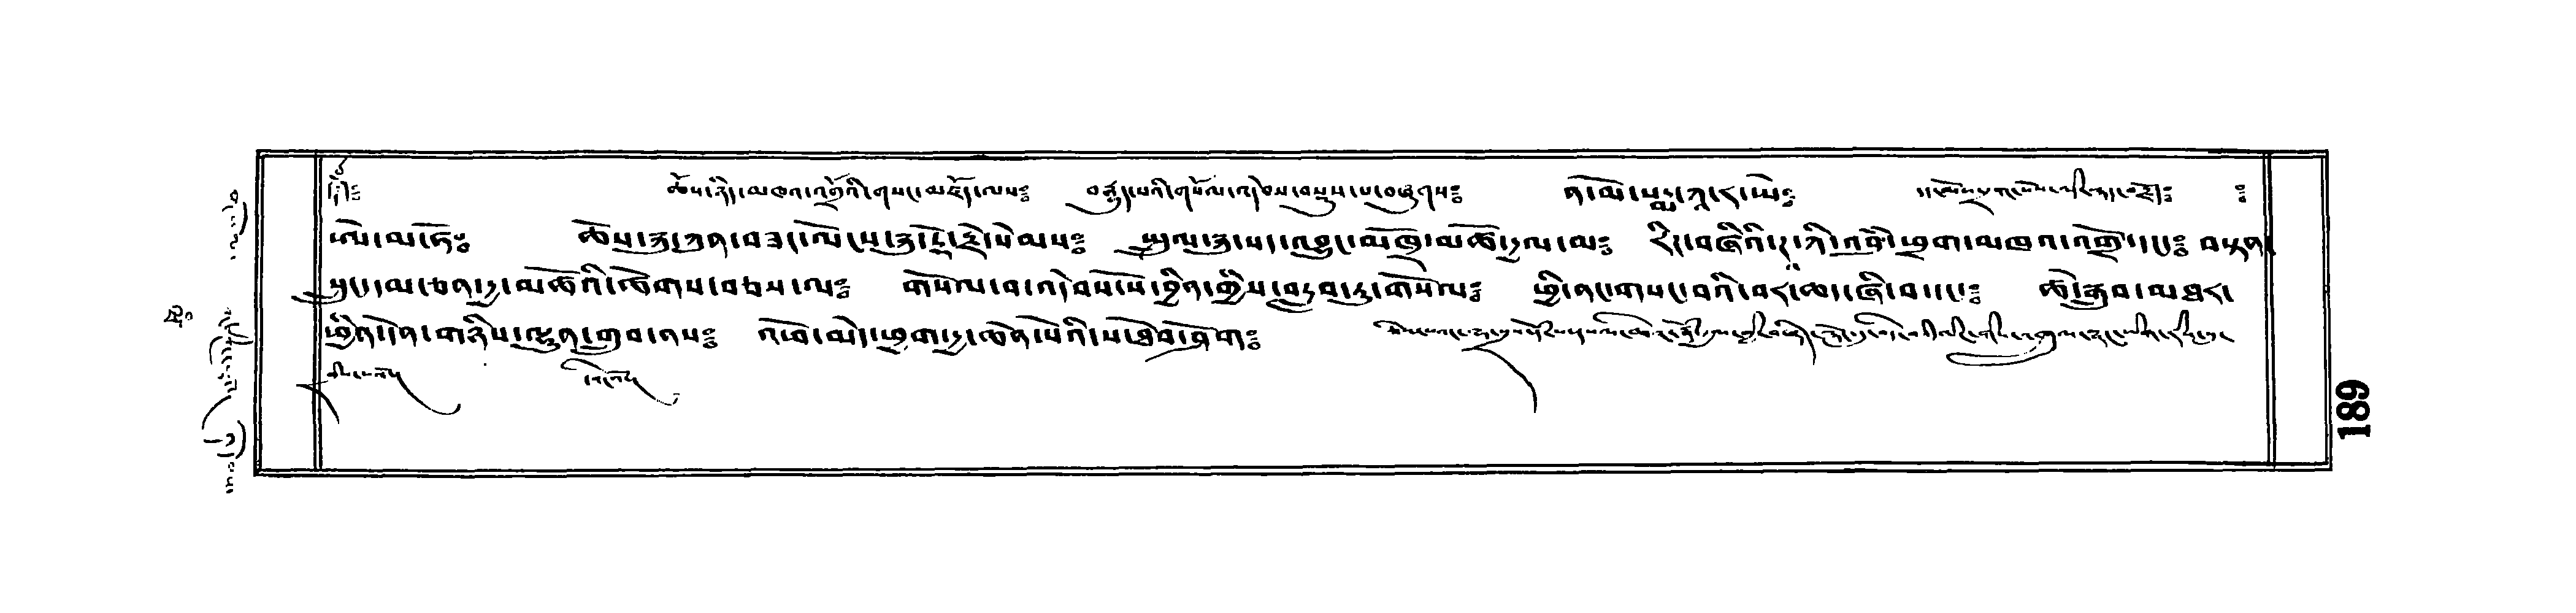ཆོས་ཉིད་མཁའ་འགྲོའི་གསང་མཛོད་ལས༔ བརྒྱུད་པའི་གསོལ་འདེབས་བསྡུས་པ་བཞུགས༔ ན་མོ་པདྨ་ཀཱ་ར་ཡེ༔ དད་མོས་དྲག་པོས་འདི་སྐད་བརྗོད༔ 
ཨེ་མ་ཧོ༔ ཆོས་སྐུ་ཀུན་བཟང་ལོངས་སྐུ་རྡོ་རྗེ་སེམས༔ སྤྲུལ་སྐུ་པད་འབྱུང་མཁའ་འགྲོ་མཚོ་རྒྱལ་མ༔ རིགས་བཞིའི་ཌཱ་ཀི་འབུམ་ཕྲག་མཁའ་འགྲོ་དང༔ བསྟན་
སྲུང་དམ་ཅན་རྒྱ་མཚོའི་ཚོགས་བཅས་ལ༔ གསོལ་བ་འདེབས་སོ་བྱིན་གྱིས་བརླབ་ཏུ་གསོལ༔ ཕྱི་ནང་གསང་བའི་བར་ཆད་ཞི་བ་དང༔ ཚེ་སྒྲུབ་མཐར་
ཕྱིན་དོན་གཉིས་ལྷུན་གྲུབ་ནས༔ འཕོ་མེད་ཕྱག་རྒྱ་ཆེན་པོའི་ས་ཐོབ་ཤོག༔ ཅེས་པའང་ལྷ་སྲས་དམ་པ་དཔལ་ཆེན་རྣམ་རྒྱལ་གྱི་བཞེད་སྐོང་དུ་བདེ་བའི་མིང་གིས་འཁྲུལ་སྣང་ཡིག་རིས་སུ་
བྲིས་པའོ།། དགེའོ།།